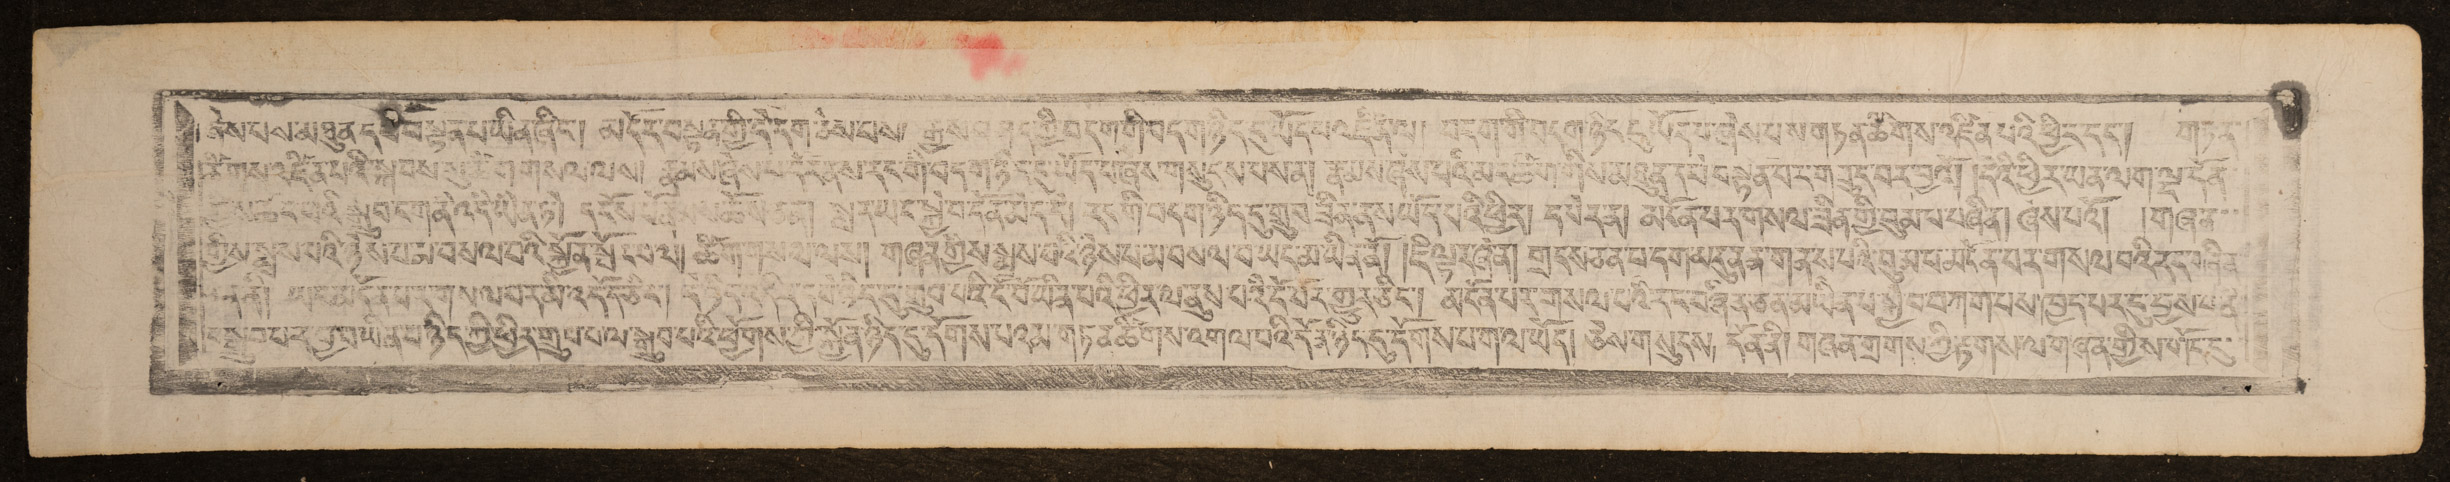ཞེས་པས་མཐུན་དཔེ་བསྟན་པ་ཡིན་ཞིང་། མདོར་བསྟན་གྱི་དེ་དག་ཅེས་པས། རྒྱས་བཤད་ཀྱི་བདག་གི་བདག་ཉིད་དུ་ཡོད་པ་འཛིན་ལ། བདག་གི་བདག་ཉིད་དུ་ཡོད་པ་ཞེས་པས་གཏན་ཚིགས་འཛིན་པའི་ཕྱིར་དང་། གཏན་
ཚིགས་འཛིན་པའི་སྐབས་སུ་ཚིག་གསལ་ལས། རྣམས་ཞེས་པ་དོར་ནས་རང་གི་བདག་ཉིད་དུ་ཡོད་པ་ཞེས་གསུངས་པས་ན། རྣམས་ཞེས་པའི་མང་ཚིག་གིས་མཐུན་དཔེ་བསྟན་པར་གཟུང་བར་བྱའོ། །དེའི་ཕྱིར་ཡན་ལག་ལྔ་དོན་
གྱིས་ཚང་བའི་སྒྲུབ་ངག་ནི་འདི་ཡིན་ཏེ། དངོས་པོ་རྣམས་ཆོས་ཅན། སླར་ཡང་སྐྱེ་བ་དོན་མེད་དེ། རང་གི་བདག་ཉིད་དུ་གྲུབ་ཟིན་ནས་ཡོད་པའི་ཕྱིར། དཔེར་ན། མངོན་པར་གསལ་ཟིན་གྱི་བུམ་པ་བཞིན། ཞེས་པའོ། །གཞན་
གྱིས་སྨྲས་པའི་ཉེས་པ་མ་བསལ་བའི་སྐྱོན་སྤོང་བ་ལ། ཚིག་གསལ་ལས། གཞན་གྱིས་སྨྲས་པའི་ཉེས་པ་མ་བསལ་བ་ཡང་མ་ཡིན་ནོ། །ཇི་ལྟར་ཞེ་ན། གྲངས་ཅན་པ་དག་མདུན་ན་གནས་པའི་བུམ་པ་མངོན་པར་གསལ་བའི་རང་བཞིན་
ཅན་ནི། ཡང་མངོན་པར་གསལ་བར་མི་འདོད་ཅིང་། དེ་ཉིད་འདིར་དཔེ་ཉིད་དུ་གྲུབ་པའི་ངོ་བོ་ཡིན་པའི་ཕྱིར་ལ་ནུས་པའི་ངོ་བོར་གྱུར་ཅིང་། མངོན་པར་གསལ་བའི་རང་བཞིན་ཅན་མ་ཡིན་པ་སྐྱེ་བ་བཀག་པས་ཁྱད་པར་དུ་བྱས་པ་ནི་
བསྒྲུབ་པར་བྱ་བ་ཡིན་པ་ཉིད་ཀྱི་ཕྱིར་གྲུབ་པ་ལ་སྒྲུབ་པའི་ཕྱོགས་ཀྱི་སྐྱོན་ཉིད་དུ་དོགས་པའམ་གཏན་ཚིགས་འགལ་བའི་དོན་ཉིད་དུ་དོགས་པ་ག་ལ་ཡོད། ཅེས་གསུངས། དོན་ནི། གཞན་གྲགས་ཀྱི་རྟགས་ལ་གཞན་གྱིས་གོང་དུ་